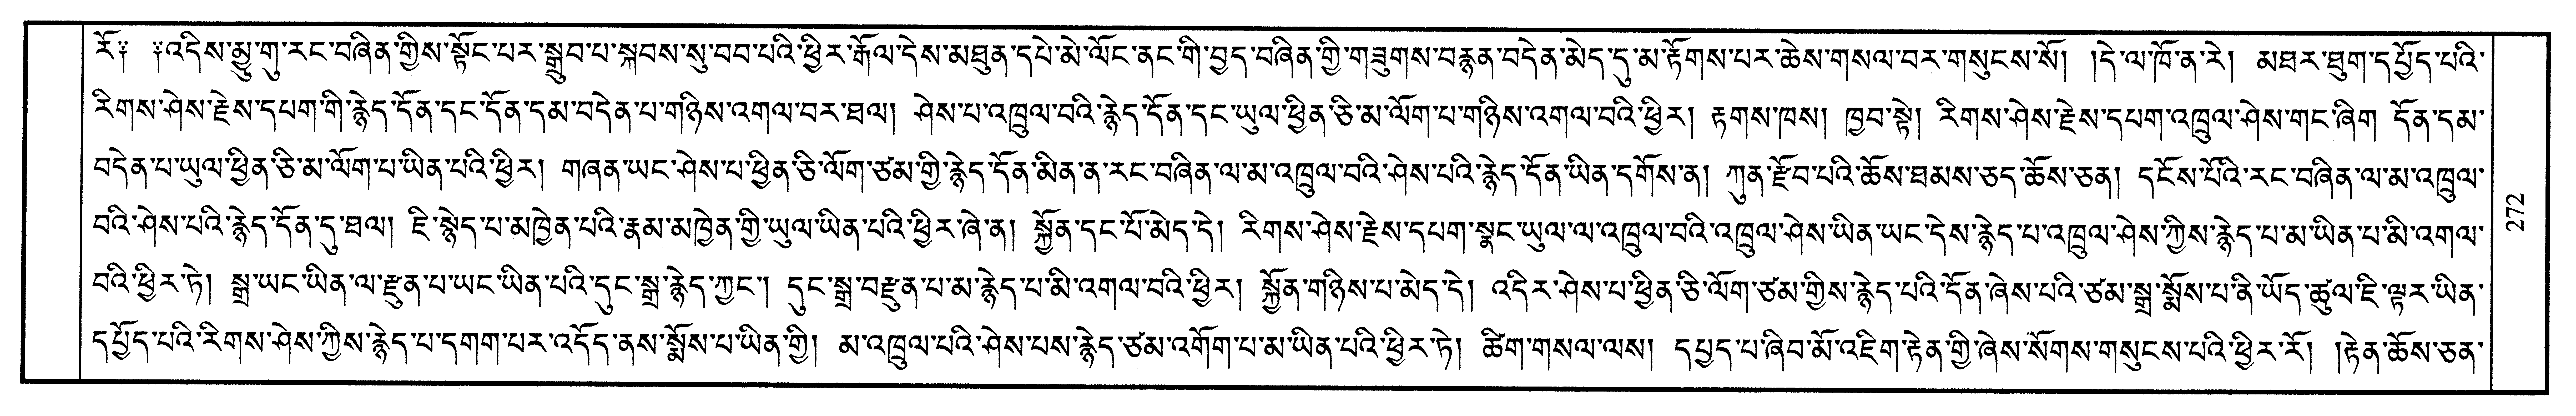རོ༑ ༑འདིས་མྱུ་གུ་རང་བཞིན་གྱིས་སྟོང་པར་སྒྲུབ་པ་སྐབས་སུ་བབ་པའི་ཕྱིར་རྒོལ་དེས་མཐུན་དཔེ་མེ་ལོང་ནང་གི་བྱད་བཞིན་གྱི་གཟུགས་བརྙན་བདེན་མེད་དུ་མ་རྟོགས་པར་ཆེས་གསལ་བར་གསུངས་སོ། །དེ་ལ་ཁོ་ན་རེ། མཐར་ཐུག་དཔྱོད་པའི་
རིགས་ཤེས་རྗེས་དཔག་གི་རྙེད་དོན་དང་དོན་དམ་བདེན་པ་གཉིས་འགལ་བར་ཐལ། ཤེས་པ་འཁྲུལ་བའི་རྙེད་དོན་དང་ཡུལ་ཕྱིན་ཅི་མ་ལོག་པ་གཉིས་འགལ་བའི་ཕྱིར། རྟགས་ཁས། ཁྱབ་སྟེ། རིགས་ཤེས་རྗེས་དཔག་འཁྲུལ་ཤེས་གང་ཞིག་དོན་དམ་
བདེན་པ་ཡུལ་ཕྱིན་ཅི་མ་ལོག་པ་ཡིན་པའི་ཕྱིར། གཞན་ཡང་ཤེས་པ་ཕྱིན་ཅི་ལོག་ཙམ་གྱི་རྙེད་དོན་མིན་ན་རང་བཞིན་ལ་མ་འཁྲུལ་བའི་ཤེས་པའི་རྙེད་དོན་ཡིན་དགོས་ན། ཀུན་རྫོབ་པའི་ཆོས་ཐམས་ཅད་ཆོས་ཅན། དངོས་པོའི་རང་བཞིན་ལ་མ་འཁྲུལ་
བའི་ཤེས་པའི་རྙེད་དོན་དུ་ཐལ། ཇི་སྙེད་པ་མཁྱེན་པའི་རྣམ་མཁྱེན་གྱི་ཡུལ་ཡིན་པའི་ཕྱིར་ཞེ་ན། སྐྱོན་དང་པོ་མེད་དེ། རིགས་ཤེས་རྗེས་དཔག་སྣང་ཡུལ་ལ་འཁྲུལ་བའི་འཁྲུལ་ཤེས་ཡིན་ཡང་དེས་རྙེད་པ་འཁྲུལ་ཤེས་ཀྱིས་རྙེད་པ་མ་ཡིན་པ་མི་འགལ་
བའི་ཕྱིར་ཏེ། སྒྲ་ཡང་ཡིན་ལ་རྫུན་པ་ཡང་ཡིན་པའི་དུང་སྒྲ་རྙེད་ཀྱང་། དུང་སྒྲ་བརྫུན་པ་མ་རྙེད་པ་མི་འགལ་བའི་ཕྱིར། སྐྱོན་གཉིས་པ་མེད་དེ། འདིར་ཤེས་པ་ཕྱིན་ཅི་ལོག་ཙམ་གྱིས་རྙེད་པའི་དོན་ཞེས་པའི་ཙམ་སྒྲ་སྨོས་པ་ནི་ཡོད་ཚུལ་ཇི་ལྟར་ཡིན་
དཔྱོད་པའི་རིགས་ཤེས་ཀྱིས་རྙེད་པ་དགག་པར་འདོད་ནས་སྨོས་པ་ཡིན་གྱི། མ་འཁྲུལ་པའི་ཤེས་པས་རྙེད་ཙམ་འགོག་པ་མ་ཡིན་པའི་ཕྱིར་ཏེ། ཚིག་གསལ་ལས། དཔྱད་པ་ཞིབ་མོ་འཇིག་རྟེན་གྱི་ཞེས་སོགས་གསུངས་པའི་ཕྱིར་རོ། །རྟེན་ཆོས་ཅན་